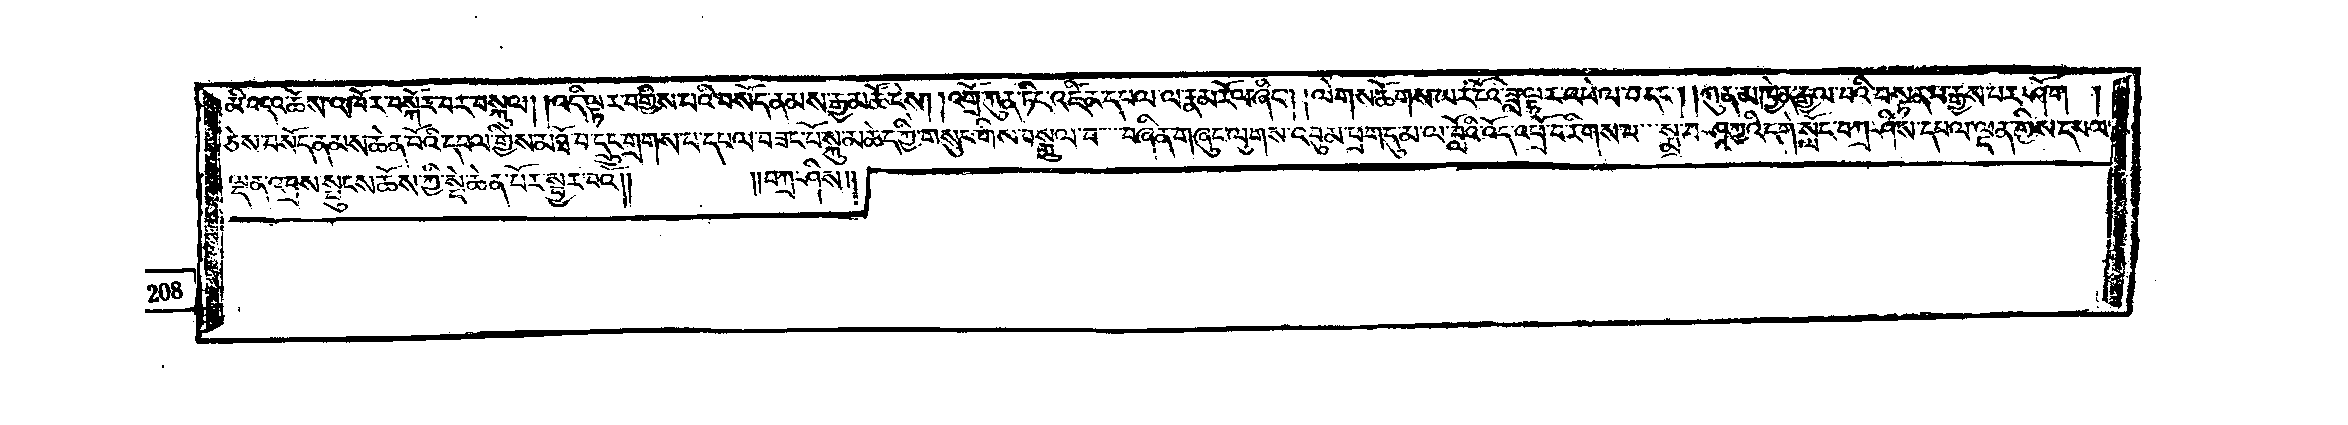མི་འདའ་ཚེས་འཁོར་བསྐོར་བར་བསྐུལ། །འདི་ལྟར་བགྱིས་པའི་བསོད་ནམས་རྒྱ་མཚོ་དེས། །འགྲོ་ཀུན་ཏིང་འཛིན་དཔལ་ལ་རྣམ་རོལ་ཞིང་། །ལེགས་ཚོགས་ཡར་ངོའི་ཟླ་ལྟར་འཕེལ་བ་དང་། །ཀུན་མཁྱེན་རྒྱལ་པའི་བསྟན་པ་རྒྱས་པར་ཤོག །
ཅེས་བསོད་ནམས་ཆེན་པོའི་དཔལ་གྱིས་མཐོ་བ་དྲུང་གྲགས་པ་དཔལ་བཟང་པོ་སྐུ་མཆེད་ཀྱི་གསུང་གིས་བསྒྲུལ་བ་བཞིན་གཞུང་ལུགས་འབུམ་ཕྲག་དུ་མ་ལ་བློའི་འོད་འཕྲོ་བ་རིགས་པ་སྨྲ་བ་ཤཱཀྱའི་དགེ་སློང་བཀྲ་ཤིས་དཔལ་ལྡན་གྱིས་དཔལ་
ལྡན་འབྲས་སྤུངས་ཆོས་ཀྱི་སྡེ་ཆེན་པོར་སྦྱར་བའོ།། །།བཀྲ་ཤིས།།